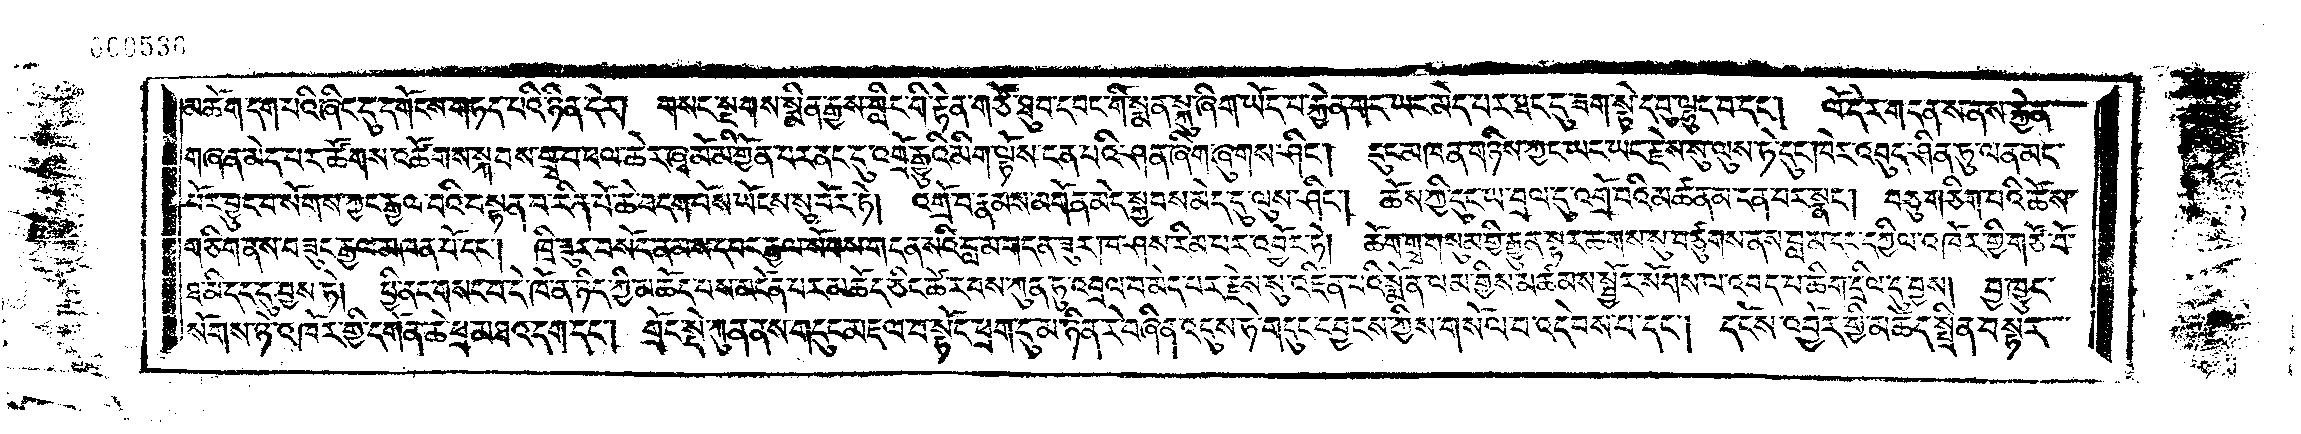མཆོག་དག་པའི་ཞིང་དུ་དགོངས་གཏད་པའི་ཉིན་དེར། གསང་སྔགས་སྨིན་རྒྱས་གླིང་གི་རྟེན་གཙོ་ཐུབ་དབང་གི་སྨན་སྐུ་ཞིག་ཡོད་པ་རྐྱེན་གང་ཡང་མེད་པར་ཐང་དུ་ཟག་སྟེ་དབུ་ལྷུང་བ་དང་། ལོ་དེར་གདན་ས་ནས་རྐྱེན་
གཞན་མེད་པར་ཚོགས་འཚོགས་སྐབས་གྲྭ་བ་ཕལ་ཆེར་ཞྭ་མོ་མི་གྱོན་པར་ནང་དུ་འགྲོ་རྒྱུའི་མིག་ལྟོས་ངན་པའི་ཤན་ཞིག་ཞུགས་ཤིང་། དུང་མཁན་གཉིས་ཀྱང་ཡང་ཡང་རྗེས་སུ་ལུས་ཏེ་དུང་ཁེར་འབུད་ཤིན་ཏུ་ལན་མང་
པོར་བྱུང་བ་སོགས་ཀྱང་རྒྱལ་བའི་བསྟན་པ་རིན་པོ་ཆེ་བདག་པོས་ཡོངས་སུ་བོར་ཏེ། འགྲོ་བ་རྣམས་མགོན་མེད་སྐྱབས་མེད་དུ་ལུས་ཤིང་། ཆོས་ཀྱི་དུང་ཡ་བྲལ་དུ་འགྲོ་བའི་མཚན་མ་ངན་པར་སྣང་། བཅུ་གཅིག་པའི་ཚེས་
གཅིག་ནས་བཟུང་རྒྱལ་མཁན་པོ་དང་། ཁྲི་ཟུར་བསོད་ནམས་དབང་རྒྱལ་སོགས་གདན་སའི་བླ་མ་གདན་ཟུར་ཁ་ཤས་རིམ་པར་འབྱོར་ཏེ། ཆོག་གྲྭ་གསུམ་གྱི་རྒྱུན་ལྟར་ཆགས་སུ་བཙུགས་ནས་བླ་མ་དང་དཀྱིལ་འཁོར་གྱི་གཙོ་བོ་
ཐ་མི་དད་དུ་བྱས་ཏེ། ཕྱི་ནང་གསང་བ་དེ་ཁོ་ན་ཉིད་ཀྱི་མཆོད་པས་མངོན་པར་མཆོད་ཅིང་ཚེ་རབས་ཀུན་ཏུ་འབྲལ་བ་མེད་པར་རྗེས་སུ་འཛིན་པའི་སྨོན་ལམ་གྱིས་མཚམས་སྦྱོར་སོགས་ལ་འབད་པ་ཚིག་དྲིལ་དུ་བྱས། བྱ་ཁྱུད་
སོགས་ཉེ་འཁོར་གྱི་དགོན་ཆེ་ཕྲ་མཐའ་དག་དང་། གྲོང་སྡེ་ཀུན་ནས་གདུང་མཇལ་བ་སྟོང་ཕྲག་དུ་མ་ཉིན་རེ་བཞིན་འདུས་ཏེ་གདུང་དབྱངས་ཀྱིས་གསོལ་བ་འདེབས་པ་དང་། དངོས་འབྱོར་གྱི་མཆོད་སྦྲིན་བསྟར་